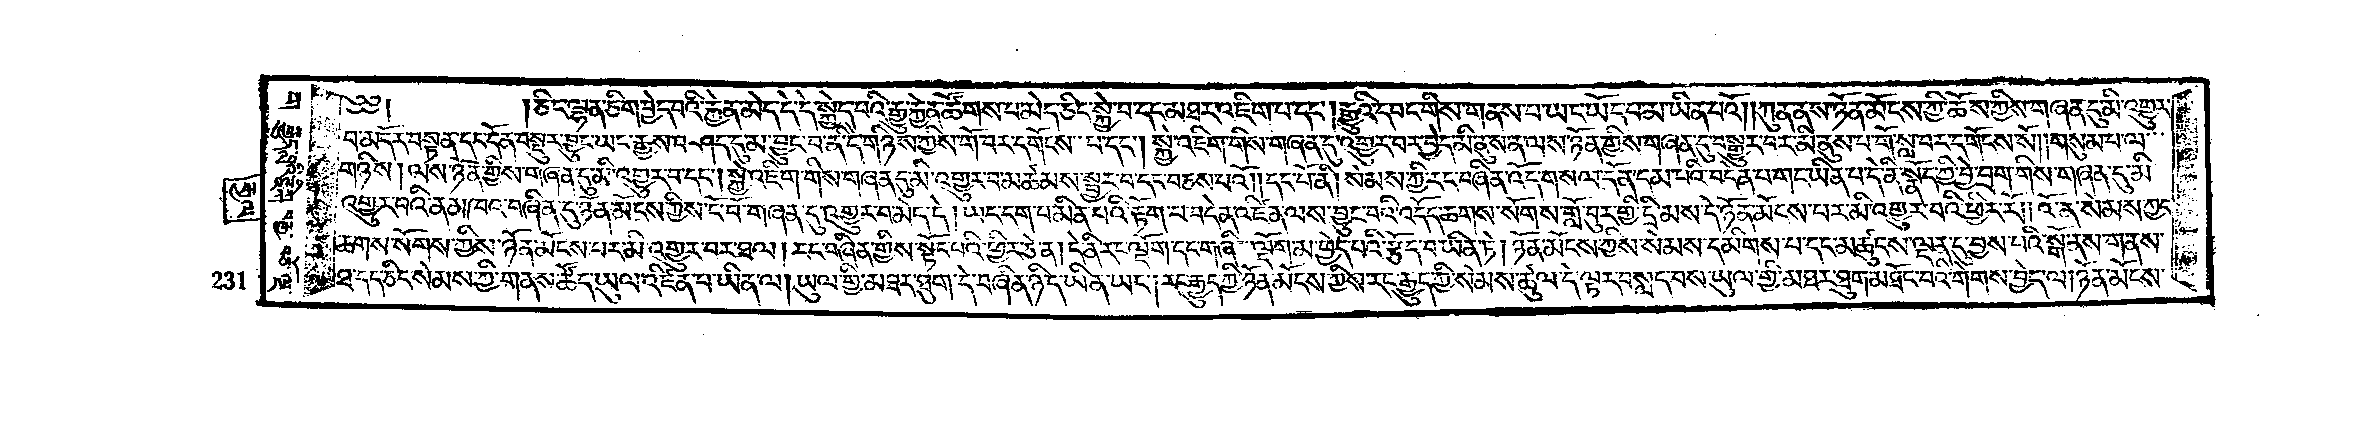༄༅། །ཅིང་ལྷན་ཅིག་བྱེད་པའི་རྐྱེན་མེད་དེ་དེ་སྐྱེད་པའི་རྒྱུ་རྐྱེན་ཚོགས་པ་མེད་ཅིང་སྐྱེ་བ་དང་མཐར་འཇིག་པ་དང་། རྒྱུའི་དབང་གིས་གནས་པ་ཡང་ཡོད་པ་མ་ཡིན་པའོ། །ཀུན་ནས་ཉོན་མོངས་ཀྱི་ཆོས་ཀྱིས་གཞན་དུ་མི་འགྱུར་
བ་མདོར་བསྟན་དང་དོན་བསྡུར་བྱུང་ཡང་རྒྱས་བཤད་དུ་མ་བྱུང་བ་ནི་དེ་གཉིས་ཀྱིས་གོ་བར་དགོངས་པ་དང་། སྐྱེ་འཇིག་གིས་གཞན་དུ་འགྱུར་བར་བྱེད་མི་ནུས་ན་ལས་ཉོན་གྱིས་གཞན་དུ་བསྒྱུར་བར་མི་ནུས་པ་གོ་སླ་བར་དགོངས་སོ། །གསུམ་པ་ལ་
གཉིས༑ ལས་ཉོན་གྱིས་གཞན་དུ་མི་འགྱུར་བ་དང་། སྐྱེ་འཇིག་གིས་གཞན་དུ་མི་འགྱུར་བ་མཚམས་སྦྱར་བ་དང་བཅས་པའོ། །དང་པོ་ནི། སེམས་ཀྱི་རང་བཞིན་འོད་གསལ་དོན་དམ་པའི་བདེན་པ་གང་ཡིན་པ་དེ་ནི་སྣོད་ཀྱི་བྱེ་བྲག་གིས་གཞན་དུ་མི་
འགྱུར་པའི་ནམ་མཁའ་བཞིན་དུ་ཉོན་མོངས་ཀྱིས་ངོ་བོ་གཞན་དུ་འགྱུར་བ་མེད་དེ། ཡང་དག་པ་མིན་པའི་རྟོག་པ་བདེན་འཛིན་ལས་བྱུང་བའི་འདོད་ཆགས་སོགས་གློ་བུར་གྱི་དྲི་མས་དེ་ཉོན་མོངས་པར་མི་འགྱུར་བའི་ཕྱིར་རོ། །འོ་ན་སེམས་ཀྱང་
ཆགས་སོགས་ཀྱིས་ཉོན་མོངས་པར་མི་འགྱུར་བར་ཐལ། རང་བཞིན་གྱིས་སྟོང་པའི་ཕྱིར་ཅེ་ན། དེ་ནི་རང་ལྡོག་དང་གཞི་ལྡོག་མ་ཕྱེད་པའི་རྩོད་པ་ཡིན་ཏེ། ཉོན་མོངས་ཀྱིས་སེམས་དམིགས་པ་དང་མཚུངས་ལྡན་དུ་བྱས་པའི་སྒོ་ནས་གནས་
ཐ་དད་ཅིང་སེམས་ཀྱི་གནས་ཚོད་ཡུལ་འཛིན་པ་ཡིན་ལ། ཡུལ་གྱི་མཐར་ཐུག་དེ་བཞིན་ཉིད་ཡིན་ཡང་། རང་རྒྱུད་ཀྱི་ཉོན་མོངས་ཀྱིས་རང་རྒྱུད་ཀྱི་སེམས་ཚུལ་དེ་ལྟར་བསླད་པས་ཡུལ་གྱི་མཐར་ཐུག་མཐོང་བའི་གེགས་བྱེད་ལ། ཉོན་མོངས་